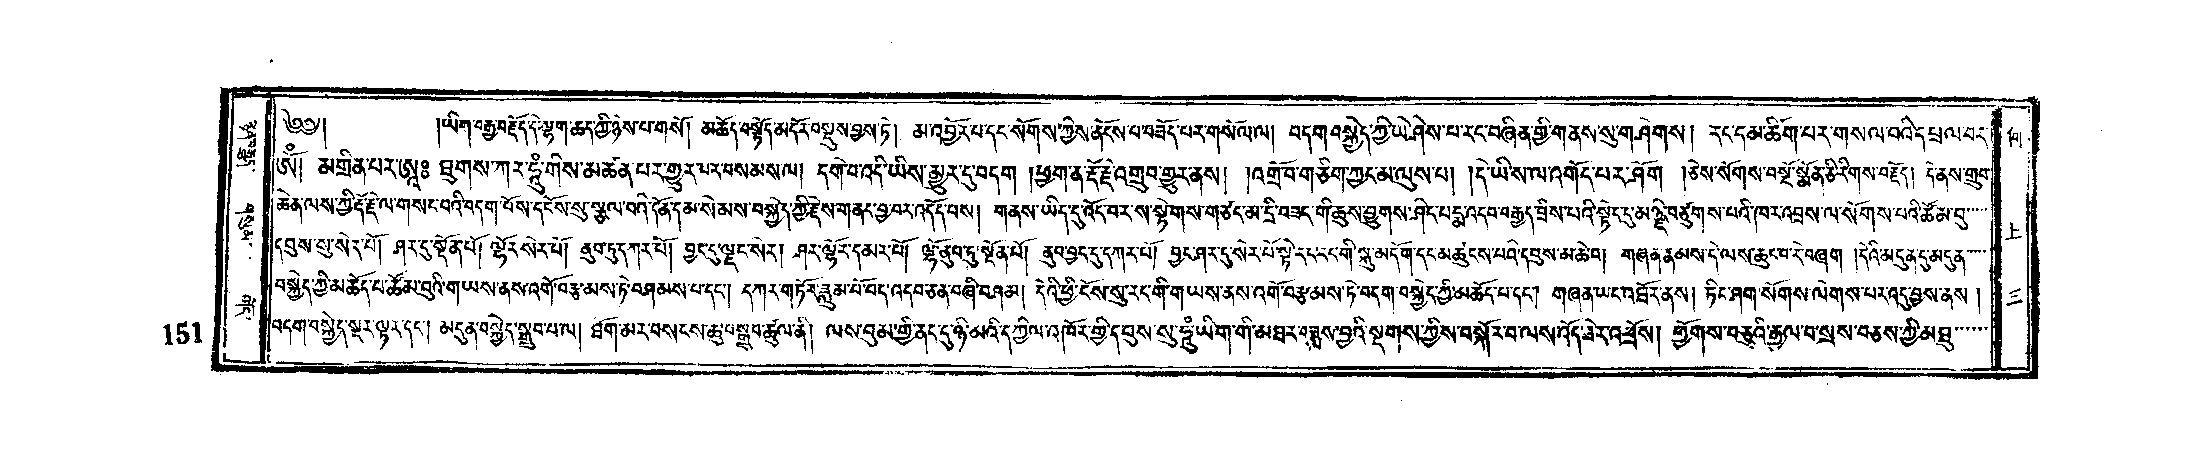༄༅། །ཡིག་བརྒྱ་བརྗོད་དེ་ལྷག་ཆད་ཀྱི་ཉེས་པ་གསོ། མཆོད་བསྟོད་མདོར་བསྡུས་བྱས་ཏེ། མ་འབྱོར་པ་དང་སོགས་ཀྱིས་ནོངས་པ་བཟོད་པར་གསོལ་ལ། བདག་བསྐྱེད་ཀྱི་ཡེ་ཤེས་པ་རང་བཞིན་གྱི་གནས་སུ་གཤེགས། རང་དམ་ཚིག་པར་གསལ་བའི་དཔྲལ་བར་
ཨོཾ། མགྲིན་པར་ཨཱཿ ཐུགས་ཀར་ཧཱུཾ་གིས་མཚན་པར་གྱུར་པར་བསམས་ལ། དགེ་བ་འདི་ཡིས་མྱུར་དུ་བདག །ཕྱག་ན་རྡོ་རྗེ་འགྲུབ་གྱུར་ནས། །འགྲོ་བ་གཅིག་ཀྱང་མ་ལུས་པ། །དེ་ཡིས་ལ་འགོད་པར་ཤོག །ཅེས་སོགས་བསྔོ་སྨོན་ཅི་རིགས་བརྗོད། དེ་ནས་གྲུབ་
ཆེན་ལས་ཀྱི་རྡོ་རྗེ་ལ་གསང་བའི་བདག་པོས་དངོས་སུ་སྩལ་བའི་དོན་དམ་སེམས་བསྐྱེད་ཀྱི་རྗེས་གནང་བྱ་བར་འདོད་པས། གནས་ཡིད་དུ་འོང་བར་ས་སྟེགས་གཙང་མ་དྲི་བཟང་གི་ཆུས་བྱུགས་ཤིང་པདམ་འདབ་བརྒྱད་བྲིས་པའི་སྟེང་དུ་མཉྫི་བཙུགས་པའི་ཁར་འབྲས་ལ་སོགས་པའི་ཚོམ་བུ་
དབུས་སུ་སེར་པོ། ཤར་དུ་སྔོན་པོ། ལྷོར་སེར་པོ། ནུབ་ཏུ་དཀར་པོ། བྱང་དུ་ལྗང་སེར། ཤར་ལྷོར་དམར་པོ། ལྷོ་ནུབ་ཏུ་སྔོན་པོ། ནུབ་བྱང་དུ་དཀར་པོ། བྱང་ཤར་དུ་སེར་པོ་སྟེ་རང་རང་གི་སྐུ་མདོག་དང་མཚུངས་པའི་དབུས་མཆེ་བ། གཞན་རྣམས་དེ་ལས་ཆུང་བ་རེ་བཞག །དེའི་མདུན་དུ་མདུན་
བསྐྱེད་ཀྱི་མཆོད་པ་ཚོམ་བུའི་གཡས་ནས་འགོ་བརྩམས་ཏེ་བཤམས་པ་དང་། དཀར་གཏོར་ཟླུམ་པོ་པད་འདབ་ཅན་བཞི་བཤམ། དེའི་ཕྱི་ངོས་སུ་རང་གི་གཡས་ནས་འགོ་བརྩམས་ཏེ་བདག་བསྐྱེད་ཀྱི་མཆོད་པ་དང་། གཞན་ཡང་འཐོར་ནས། ཏིང་ཤག་སོགས་ལེགས་པར་འདུ་བྱས་ནས།
བདག་བསྐྱེད་སྔར་ལྟར་དང་། མདུན་བསྐྱེད་སྒྲུབ་པ་ལ། ཐོག་མར་བསངས་ཆུ་བསྒྲུབ་ཚུལ་ནི། ལས་བུམ་གྱི་ནང་དུ་ཉི་མའི་དཀྱིལ་འཁོར་གྱི་དབུས་སུ་ཧཱུཾ་ཡིག་གི་མཐར་བཟླས་བྱའི་སྔགས་ཀྱིས་བསྐོར་བ་ལས་འོད་ཟེར་འཕྲོས། ཕྱོགས་བཅུའི་རྒྱལ་བ་སྲས་བཅས་ཀྱི་མཐུ་